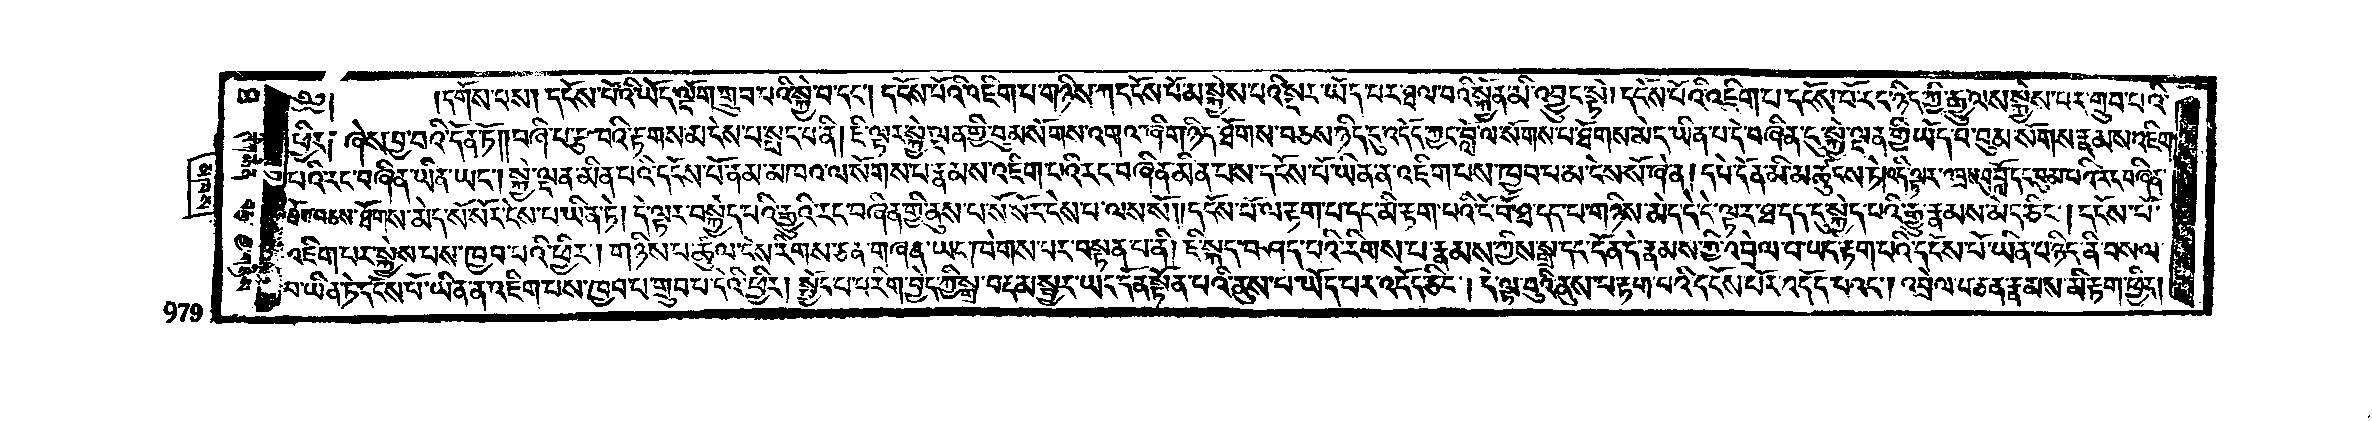༄༅། །དགོས་པས། དངོས་པོའི་ཡོད་ལྡོག་གྲུབ་པའི་སྐྱེ་བ་དང་། དངོས་པོའི་འཇིག་པ་གཉིས་ཀ་དངོས་པོ་མ་སྐྱེས་པའི་སྔར་ཡོད་པར་ཐལ་བའི་སྐྱོན་མི་འབྱུང་སྟེ། དངོས་པོའི་འཇིག་པ་དངོས་པོ་རང་ཉིད་ཀྱི་རྒྱུ་ལས་སྐྱེས་པར་གྲུབ་པའི་
ཕྱིར། ཞེས་བྱ་བའི་དོན་ཏོ། །བཞི་པ་རྩ་བའི་རྟགས་མ་ངེས་པ་སྤང་པ་ནི། ཇི་ལྟར་སྐྱེ་ལྡན་གྱི་བུམ་སོགས་འགའ་ཞིག་ཉིད་ཐོགས་བཅས་ཉིད་དུ་འདོད་ཀྱང་བློ་ལ་སོགས་པ་ཐོགས་མེད་ཡིན་པ་དེ་བཞིན་དུ་སྐྱེ་ལྡན་གྱི་ཡོད་པ་བུམ་སོགས་རྣམས་འཇིག་
པའི་རང་བཞིན་ཡིན་ཡང་། སྐྱེ་ལྡན་མིན་པའི་དངོས་པོ་ནམ་མཁའ་ལ་སོགས་པ་རྣམས་འཇིག་པའི་རང་བཞིན་མིན་པས་དངོས་པོ་ཡིན་ན་འཇིག་པས་ཁྱབ་པ་མ་ངེས་སོ་ཞེ་ན། དཔེ་དོན་མི་མཚུངས་ཏེ། འདི་ལྟར་འབྲས་བུ་བློ་དང་བུམ་པའི་རང་བཞིན་
ཐོག་བཅས་ཐོགས་མེད་སོ་སོར་ངེས་པ་ཡིན་ཏེ། དེ་ལྟར་བསྐྱེད་པའི་རྒྱུའི་རང་བཞིན་གྱི་ནུས་པ་སོ་སོར་ངེས་པ་ལས་སོ། །དངོས་པོ་ལ་རྟག་པ་དང་མི་རྟག་པའི་ངོ་བོ་ཐ་དད་པ་གཉིས་མེད་དེ་དེ་ལྟར་ཐ་དད་དུ་སྐྱེད་པའི་རྒྱུ་རྣམས་མེད་ཅིང་། དངོས་པོ་
འཇིག་པར་སྐྱེས་པས་ཁྱབ་པའི་ཕྱིར། གཉིས་པ་ཚུལ་ངེས་རིགས་ཅན་གཞན་ཡང་ཁེགས་པར་བསྟན་པ་ནི། ཇི་སྐད་བཤད་པའི་རིགས་པ་རྣམས་ཀྱིས་སྒྲ་དང་དོན་དེ་རྣམས་ཀྱི་འབྲེལ་པ་ཡང་རྟག་པའི་དངོས་པོ་ཡིན་པ་ཉིད་ནི་བསལ་
བ་ཡིན་ཏེ་དངོས་པོ་ཡིན་ན་འཇིག་པས་ཁྱབ་པ་གྲུབ་པ་དེའི་ཕྱིར། སྤྱོད་པ་པ་རིག་བྱེད་ཀྱི་སྒྲ་བརྡ་མ་སྦྱར་ཡང་དོན་སྟོན་པའི་ནུས་པ་ཡོད་པར་འདོད་ཅིང་། དེ་ལྟ་བུའི་ནུས་པ་རྟག་པའི་དངོས་པོར་འདོད་པའང་། འབྲེལ་པ་ཅན་རྣམས་མི་རྟག་ཕྱིར།